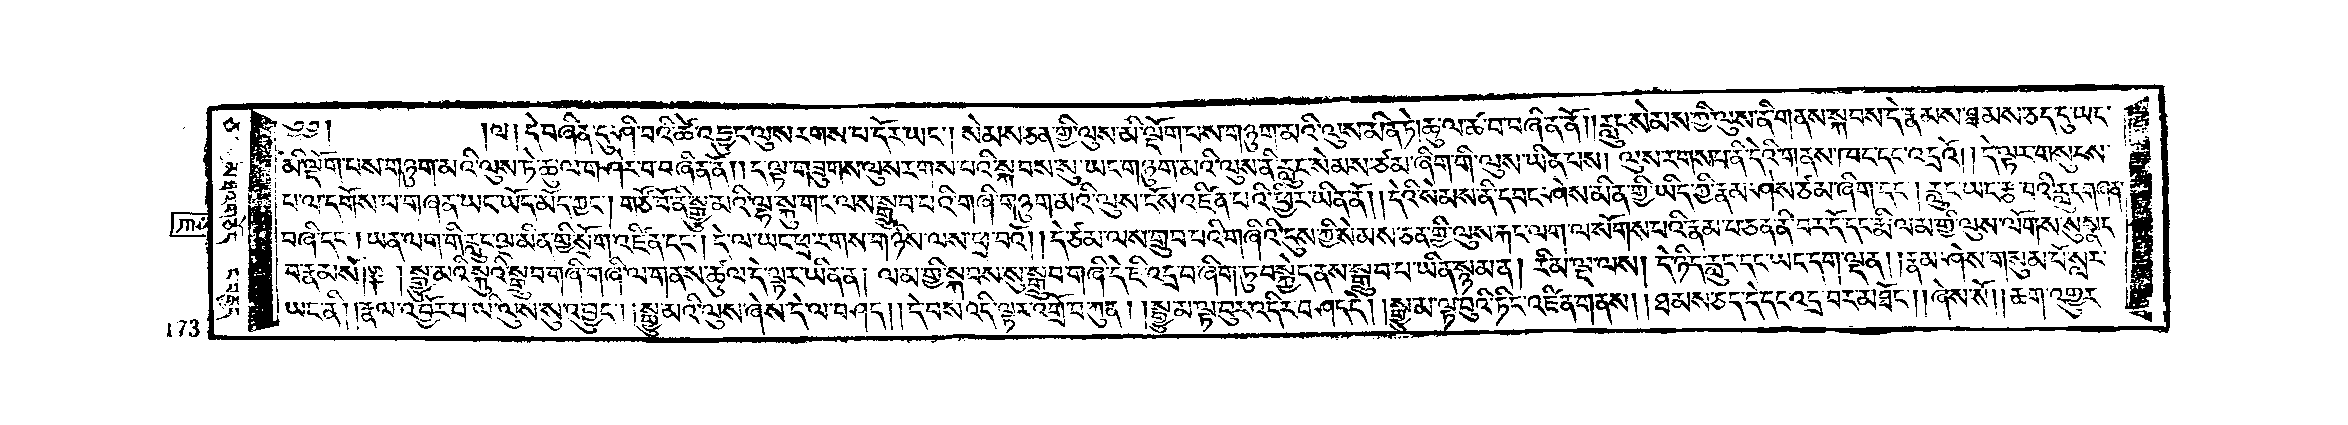༄༅། །ལ། དེ་བཞིན་དུ་ཤི་བའི་ཚེ་འབྱུང་ལུས་རགས་པ་དོར་ཡང་། སེམས་ཅན་གྱི་ལུས་མི་ལྡོག་པས་གཉུག་མའི་ལུས་མིན་ཏེ། ཆུ་ལ་ཚ་བ་བཞིན་ནོ། །རླུང་སེམས་ཀྱི་ལུས་ནི་གནས་སྐབས་དེ་རྣམས་ཐམས་ཅད་དུ་ཡང་
མི་ལྡོག་པས་གཉུག་མའི་ལུས་ཏེ་ཆུ་ལ་གཤེར་བ་བཞིན་ནོ། །ད་ལྟ་གཟུགས་ལུས་རགས་པའི་སྐབས་སུ་ཡང་གཉུག་མའི་ལུས་ནི་རླུང་སེམས་ཙམ་ཞིག་གི་ལུས་ཡིན་པས། ལུས་རགས་པ་ནི་དེའི་གནས་ཁང་དང་འདྲའོ། །དེ་ལྟར་གསུངས་
པ་ལ་དགོས་པ་གཞན་ཡང་ཡོད་མོད་ཀྱང་། གཙོ་བོ་ནི་སྒྱུ་མའི་ལྷ་སྐུ་གང་ལས་སྒྲུབ་པའི་གཞི་གཉུག་མའི་ལུས་ངོས་འཛིན་པའི་ཕྱིར་ཡིན་ནོ། །དེའི་སེམས་ནི་དབང་ཤེས་མིན་གྱི་ཡིད་ཀྱི་རྣམ་ཤེས་ཙམ་ཞིག་དང་། རླུང་ཡང་རྩ་བའི་རླུང་གཞན་
བཞི་དང་། ཡན་ལག་གི་རླུང་ལྔ་མིན་གྱི་སྲོག་འཛིན་དང་། དེ་ལ་ཡང་ཕྲ་རགས་གཉིས་ལས་ཕྲ་བའོ། །དེ་ཙམ་ལས་གྲུབ་པའི་གཞིའི་དུས་ཀྱི་སེམས་ཅན་གྱི་ལུས་རྐང་ལག་ལ་སོགས་པའི་རྣམ་པ་ཅན་ནི་བར་དོ་དང་རྨི་ལམ་གྱི་ལུས་ལོགས་སུ་སྣང་
བ་རྣམས་སོ། ༈ །སྒྱུ་མའི་སྐུའི་སྒྲུབ་གཞི་གཞི་ལ་གནས་ཚུལ་དེ་ལྟར་ཡིན་ན། ལམ་གྱི་སྐབས་སུ་སྒྲུབ་གཞི་དེ་ཇི་འདྲ་བ་ཞིག་ཏུ་བསྐྱེད་ནས་སྒྲུབ་པ་ཡིན་སྙམ་ན། རིམ་ལྔ་ལས། དེ་ཉིད་རླུང་དང་ཡང་དག་ལྡན། །རྣམ་ཤེས་གསུམ་པོ་སླར་
ཡང་ནི། །རྣལ་འབྱོར་པ་ཡི་ལུས་སུ་འབྱུང་། །སྒྱུ་མའི་ལུས་ཞེས་དེ་ལ་བཤད། །དེ་བས་འདི་ལྟར་འགྲོ་བ་ཀུན། །སྒྱུ་མ་ལྟ་བུར་འདིར་བཤད་དེ། །སྒྱུ་མ་ལྟ་བུའི་ཏིང་འཛིན་གནས། །ཐམས་ཅད་དེ་དང་འདྲ་བར་མཐོང་། །ཞེས་སོ། །ཆག་འགྱུར་